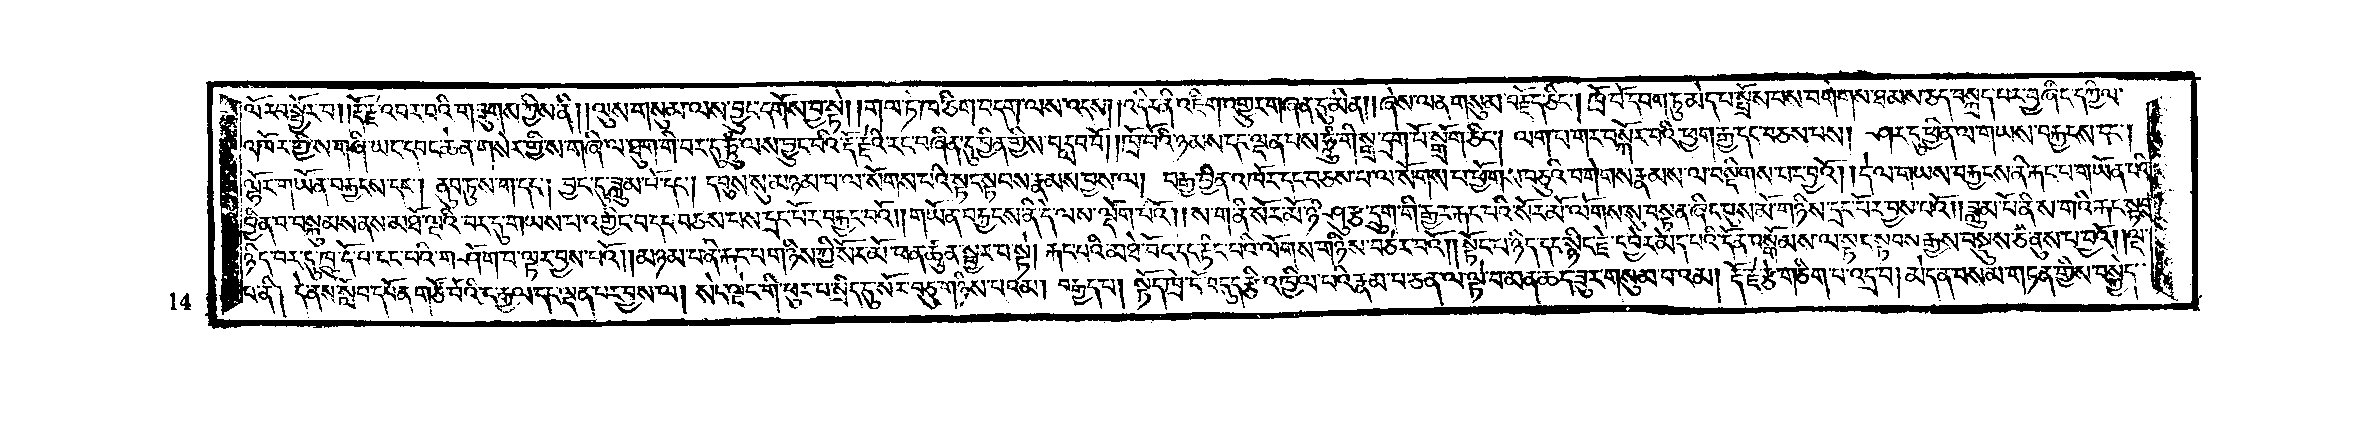ལོ་རབ་སྦྱོར་བ། །རྡོ་རྗེ་འབར་བའི་གཟུགས་ཀྱིས་ནི། །ལུས་གསུམ་ལས་བྱུང་དགོས་བྱ་སྟེ། །གལ་ཏེ་ཁ་ཅིག་བདག་ལས་འདས། །འདིར་ནི་འཇིག་འགྱུར་གཞན་དུ་མིན། །ཞེས་ལན་གསུམ་བརྗོད་ཅིང་། ཁྲོ་བོ་དཔག་ཏུ་མེད་པ་སྤྲོས་པས་བགེགས་ཐམས་ཅད་བསྐྲད་པར་བྱ་ཞིང་དཀྱིལ་
འཁོར་གྱིས་གཞི་ཡང་དབང་ཆེན་གསེར་གྱི་ས་གཞི་ལ་ཐུག་གི་བར་དུ་ཏཱུཾ་ལས་བྱུང་བའི་རྡོ་རྗེའི་རང་བཞིན་དུ་བྱིན་གྱིས་བརླབ་བོ། །ཁྲོ་བོའི་ཉམས་དང་ལྡན་པས་ཧཱུཾ་གི་སྒྲ་དྲག་པོ་སྒྲོག་ཅིང་། ལག་པ་གར་བསྐོར་བའི་ཕྱག་རྒྱ་དང་བཅས་པས། ཤར་དུ་ཕྱིན་ལ་གཡས་བརྐྱངས་དང་།
ལྷོར་གཡོན་བརྐྱངས་དང་། ནུབ་ཏུ་ས་ག་དང་། བྱང་དུ་ཟླུམ་པོ་དང་། དབུས་སུ་མཉམ་པ་ལ་སོགས་པའི་སྟང་སྟབས་རྣམས་བྱས་ལ། བརྒྱ་བྱིན་འཁོར་དང་བཅས་པ་ལ་སོགས་པ་ཕྱོགས་བཅུའི་བགེགས་རྣམས་ལ་བསྡིགས་པར་བྱའོ། །དེ་ལ་གཡས་བརྐྱངས་ནི་རྐང་པ་གཡོན་པའི་
བྱིན་པ་བསྐུམས་ནས་མཐོ་ལྔའི་བར་དུ་གཡས་པ་འགྱིང་བ་དང་བཅས་པས་དྲང་པོར་བརྐྱང་བའོ། །གཡོན་བརྐྱངས་ནི་དེ་ལས་ལྡོག་པའོ། །ས་ག་ནི་སོར་མོ་ཉི་ཤུ་རྩ་དྲུག་གི་རྒྱར་རྐང་བའི་སོར་མོ་ལོགས་སུ་བསྟན་ཞིང་པུས་མོ་གཉིས་དྲང་པོར་བྱས་པའོ། །ཟླུམ་པོ་ནི་ས་གའི་རྐང་སྟབས་
ཉིད་བར་དུ་ཁྲུ་དོ་པ་ངང་པའི་གཤོག་པ་ལྟར་བྱས་པའོ། །མཉམ་པ་ནི་རྐང་པ་གཉིས་ཀྱི་སོར་མོ་ཕན་ཚུན་སྦྱར་བ་སྟེ། རྐང་པའི་མཐེ་བོང་དང་རྟིང་བའི་ལོགས་གཉིས་བཙར་བའོ། །སྟོང་པ་ཉིད་དང་སྙིང་རྗེ་དབྱེར་མེད་པའི་དོན་བསྒོམས་ལ་སྟང་སྟབས་རྒྱས་བསྡུས་ཅི་ནུས་པ་བྱའོ། །ལྔ་
པ་ནི། དེ་ནས་སློབ་དཔོན་གཙོ་བོའི་ང་རྒྱལ་དང་ལྡན་པར་བྱས་ལ། སེང་ལྡེང་གི་ཕུར་པ་སྲིད་དུ་སོར་བཅུ་གཉིས་པའམ། བརྒྱད་པ། སྟོད་ཁྲེ་བོ་འདུད་རྩི་འཁྱིལ་པའི་རྣམ་པ་ཅན་ལ་ལྟེ་བ་མན་ཨཆད་ཟུར་གསུམ་པ་འམ། རྡོ་རྗེ་རྩེ་གཅིག་པ་འདྲ་བ། མེད་ན་བསམ་གཏན་གྱིས་བསྐྱེད་